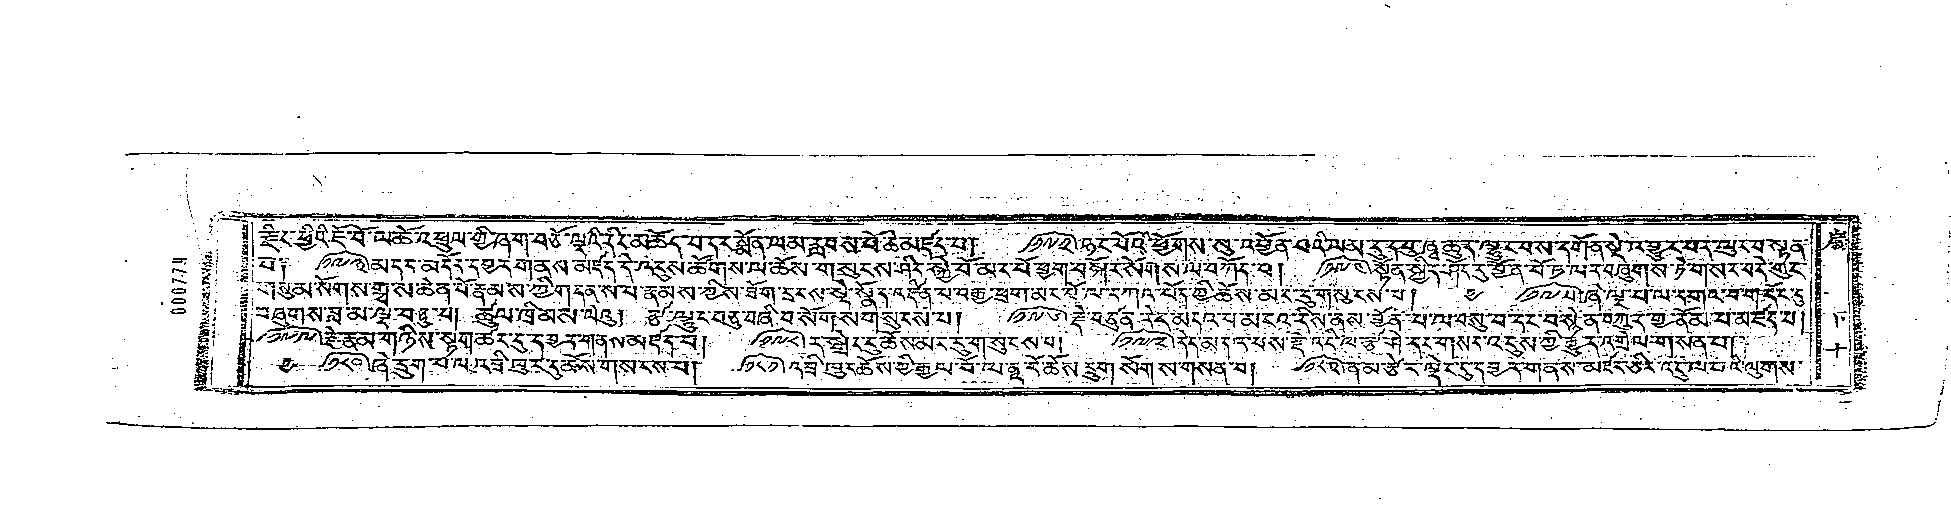རྫིང་ཕྱིའི་ཇོ་བོ་ལ་ཆོ་འཕྲུལ་གྱི་ཞག་བཅོ་ལྔའི་རིང་མཆོད་པ་དང་སྨོན་ལམ་རླབས་པོ་ཆེ་མཛད་པ། ༡༧༢?་ཉང་པོའི་ཕྱོགས་སུ་འབྱོན་པའི་ལམ་དུ་དབུ་ཞྭ་ཆུར་ལྷུང་བས་དགོན་སྡེ་འབྱུང་བར་ལུང་བསྟན་
བ༑ ༼༡༧༣?་མདང་མདོར་དབྱར་གནས་མཛད་དེ་འདུས་ཚོགས་ལ་ཆོས་གསུངས་ཤིང་སྐྱེ་བོ་མང་པོ་ཕྱག་བསྐོར་སོགས་ལ་བཀོད་བ། ༽༡༧༤?་སྟོན་སྐྱིད་ཤོད་དུ་བྱོན་པོ་ཏ་ལར་བཞུགས་ཏེ་གསང་བདེ་གུང་
གསུམ་སོགས་གྲྭ་ས་ཆེན་པོ་རྣམས་ཀྱི་གདན་ས་པ་རྣམས་ཀྱིས་ཐོག་དྲངས་སྡེ་སྣོད་འཛིན་པ་བརྒྱ་ཕྲག་མང་པོ་ལ་དཀའ་པོད་ཀྱི་ཆོས་མང་དུ་གསུངས་པ། ༧ ༡༧༥?་ཞེ་ལྔ་པ་ལ་དགའ་བ་གདོང་དུ་
བཞུགས་བླ་མ་ལྔ་བཅུ་པ། ཚུལ་ཁྲིམས་ལེའུ། རྩ་ལྟུང་བཅུ་བཞི་བ་སོགས་གསུངས་པ། ༡༧༦?་རྗེ་བཙུན་རེད་མདའ་པ་མངའ་རིས་ནས་བྱོན་པ་ལ་བསུ་བ་དང་བསྙེན་བཀུར་གྱ་ནོམ་པ་མཛད་པ།
༼༡༧༧?་རྗེ་རྣམ་གཉིས་སྟག་ཚང་དུ་དབྱར་གནས་མཛད་པ། ༽༡༧༨?་ར་སྒྲེང་དུ་ཆོས་མང་དུ་གསུངས་པ། ༡༧༩?་རེད་མདའ་པས་རྗེ་འདི་ལ་རྩ་ཤེ་དང་གསང་འདུས་ཀྱི་རྒྱུད་འགྲེལ་གསན་པ།
༧ ༼༡༨༠?་ཞེ་དྲུག་པ་ལ་འབྲི་ཁུང་དུ་ཆོས་གསུངས་པ། ༽༡༨༡?་འབྲི་ཁུང་ཆོས་ཀྱི་རྒྱལ་བོ་ལ་ནཱ་རོ་ཆོས་དྲུག་སོགས་གསན་བ། ༡༨༢?་ནམ་རྩེད་ལྡེང་དུ་དབྱར་གནས་མཛད་ཅིང་འདུལ་བའི་ལུགས་